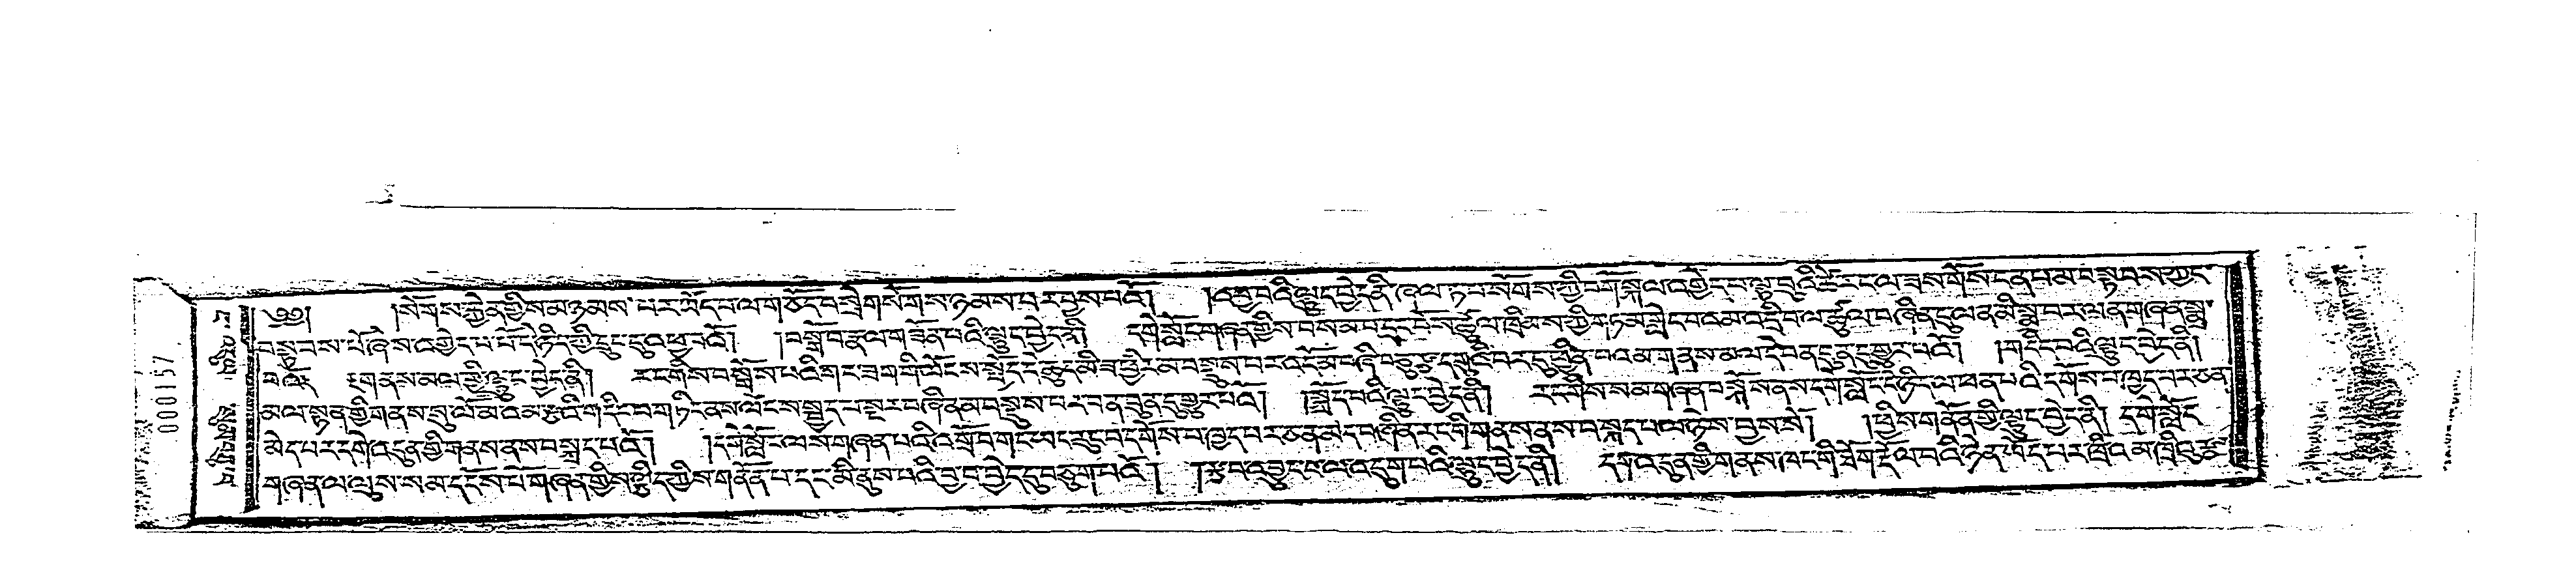༄༅། །སོགས་རྐྱེན་གྱིས་མ་ཉམས་པར་ཡོད་པ་ལ་གཅོད་བསྲེག་སོགས་ཉམས་པར་བྱས་པའོ། །འཕྱ་བའི་ལྟུང་བྱེད་ནི་ཞལ་ཏ་པ་སོགས་ཀྱི་བགོ་སྐལ་འགྱེད་པ་ལྟ་བུའི་ཚེར་ང་ལ་ཟས་གོས་ངན་པ་མ་བསྟབས་ཀྱང་
བསྟབས་པོ་ཞེས་འགྱེད་པ་པོ་དེ་ཉིད་ཀྱི་དྲུང་དུ་འཕྱ་བའོ། །བསྒོ་བ་རྣལ་གཟོན་པའི་ལྟུང་བྱེད་ནི། དགེ་སློང་གཞན་གྱིས་བསམ་པ་དྲང་པོས་ཚུལ་ཁྲིམས་ཀྱི་གཏམ་གླེང་བའམ་འདྲི་བ་ལ་ཚུལ་བཞིན་དུ་ལན་མི་སྨྲ་བར་ལན་གཞན་སྨྲ་
བའོ༑ ༑གནས་མལ་གྱི་ལྟུང་བྱེད་ནི། རང་གིས་བསྒོས་པའི་གང་ཟག་གི་ལོངས་སྤྱོད་དེ་ཆུད་མི་ཟ་ཕྱིར་མ་བསྡུས་པར་འདོམ་བཞི་བཅུ་རྩ་དགུའི་བར་དུ་ཕྱིན་པའམ་གནས་མལ་དེ་བན་བུན་དུ་གྱུར་པའོ། །གདིང་བའི་ལྟུང་བྱེད་ནི།
མལ་སྟན་གྱི་གནས་སུ་ལོ་མའམ་རྩའི་གདིང་བ་གཏིང་ནས་ལོངས་སྤྱད་པ་སྔར་བཞིན་མ་བསྡུས་པར་བན་བུན་དུ་གྱུར་པའོ། །སྐྲོད་པའི་ལྟུང་བྱེད་ནི། རང་གིས་སམ་གཞན་བསྐོས་ནས་དགེ་སློང་དེ་ཉིད་ལ་ཕན་པའི་དགོས་པ་ཁྱད་པར་ཅན་
མེད་པར་དགེ་འདུན་གྱི་གནས་ནས་བསྐྲད་པའོ། །དགེ་སློང་ལས་གཞན་པའི་འགྲོ་བ་གང་ཡང་རུང་བ་དགོས་པ་ཁྱད་པར་ཅན་མེད་བཞིན་རང་གི་གནས་ནས་བསྐད་པ་ལ་ཉེས་བྱས་སོ། །ཕྱིས་གནོན་གྱི་ལྟུང་བྱེད་ནི། དགེ་སློང་
གཞན་ལ་ལུས་སམ་དངོས་པོ་གཞན་གྱིས་ལྕིད་ཀྱིས་གནོན་པ་དང་མི་ནུས་པའི་བྱ་བ་བྱེད་དུ་བཅུག་པའོ། །རྩ་བ་འབྱུང་བ་ལ་འདུག་པའི་ལྟུང་བྱེད་ནི། དགེ་འདུན་གྱི་གནས་ཁང་གི་ཐོག་རྡོལ་བའི་ཉེན་ཡོད་པར་ཁྲིའམ་ཁྲིའུ་རྩ་